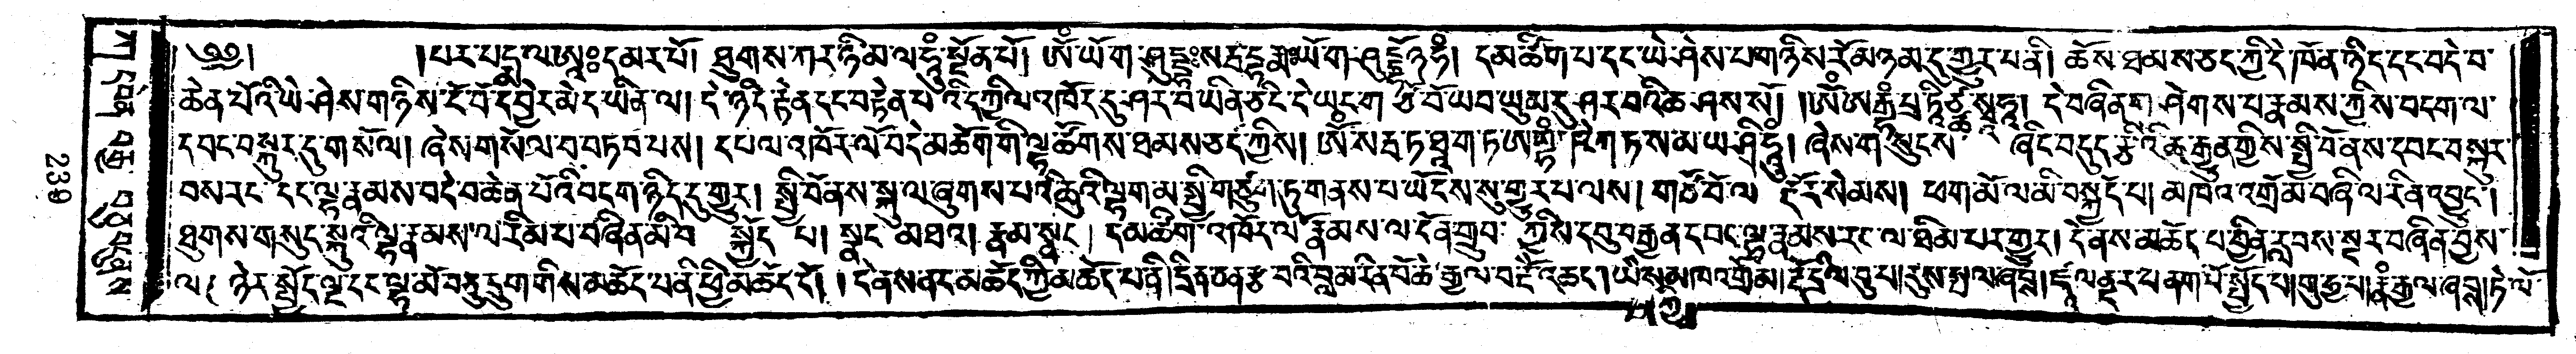༄༅། །པར་པདམ་ལ་ཨཱཿ དམར་པོ། ཐུགས་ཀར་ཉི་མ་ལ་ཧཱུཾ་སྔོན་པོ། ཨོཾ་ཡོ་ག་ཤུདྡྷཿ སརྦ་དྷརྨཿ ཡོ་ག་ཤུདྡྷོཉཧཾ། དམ་ཚིག་པ་དང་ཡེ་ཤེས་པ་གཉིས་རོ་མཉམ་དུ་གྱུར་པ་ནི། ཆོས་ཐམས་ཅད་ཀྱི་དེ་ཁོ་ན་ཉིད་དང་བདེ་བ་
ཆེན་པོའི་ཡེ་ཤེས་གཉིས་ངོ་བོ་དབྱེར་མེད་ཡིན་ལ། དེ་ཉིད་རྟེན་དང་བརྟེན་པའི་དཀྱིལ་འཁོར་དུ་ཤར་བ་ཡིན་ཅིང་དེ་ཡང་གཙོ་བོ་ཡབ་ཡུམ་དུ་ཤར་བའི་ཆ་ཤས་སོ། །ཨོཾ་ཨརྒྷཾ་པྲ་ཏཱིཙྪ་སྭཱཧཱ། དེ་བཞིན་གཤེགས་པ་རྣམས་ཀྱིས་བདག་ལ་
དབང་བསྐུར་དུ་གསོལ། ཞེས་གསོལ་བ་བཏབ་པས། དཔལ་འཁོར་ལོ་བདེ་མཆོག་གི་ལྷ་ཚོགས་ཐམས་ཅད་ཀྱིས། ཨོཾ་སརྦ་ཏ་ཐཱ་ག་ཏ་ཨགྷཾ་ཥེ་ཀ་ཏ་ས་མ་ཡ་ཤྲི་ཧཱུཾ། ཞེས་གསུངས་ཞིང་བདུད་རྩིའི་ཆུ་རྒྱུན་གྱིས་སྤྱི་བོ་ནས་དབང་བསྐུར་
བས་རང་དང་ལྷ་རྣམས་བདེ་བ་ཆེན་པོའི་བདག་ཉིད་དུ་གྱུར། སྤྱི་བོ་ནས་སྐུ་ལ་ཞུགས་པའི་ཆུའི་ལྷག་མ་སྤྱི་གཙུག་ཏུ་གནས་པ་ཡོངས་སུ་གྱུར་པ་ལས། གཙོ་བོ་ལ་རྡོར་སེམས། ཕག་མོ་ལ་མི་བསྐྱོད་པ། མཁའ་འགྲོ་མ་བཞི་ལ་རིན་འབྱུང་།
ཐུགས་གསུང་སྐུའི་ལྷ་རྣམས་ལ་རིམ་པ་བཞིན་མི་བསྐྱོད་པ། སྣང་མཐའ། རྣམ་སྣང་། དམ་ཚིག་འཁོར་ལོ་རྣམས་ལ་དོན་གྲུབ་ཀྱིས་དབུ་བརྒྱན་དབང་ལྷ་རྣམས་རང་ལ་ཐིམ་པར་གྱུར། དེ་ནས་མཆོད་པ་བྱིན་རླབས་སྔར་བཞིན་བྱས་
ལ༑ ཉེར་སྤྱོད་ལྔ་དང་ལྷ་མོ་བཅུ་དྲུག་གིས་མཆོད་པ་ནི་ཕྱི་མཆོད་དོ། །དེ་ནས་ནང་མཆོད་ཀྱི་མཆོད་པ་ནི། དྲིན་ཅན་རྩ་བའི་བླ་མ་རིན་པོ་ཆེ་རྒྱལ་བ་རྡོ་འཆང་། ཡཻ་?ཀྱིས་མཁའ་གྲོམ། རྡོ་དྲིལ་བུ་པ། རུས་སྤལ་ཞབས། ཛཱ་ལནྡ་ར་པ་ནག་པོ་སྤྱོད་པ། གུ་ཧྱ་པ། རྣཾ་རྒྱལ་ཞབས། ཏེ་ལོ་